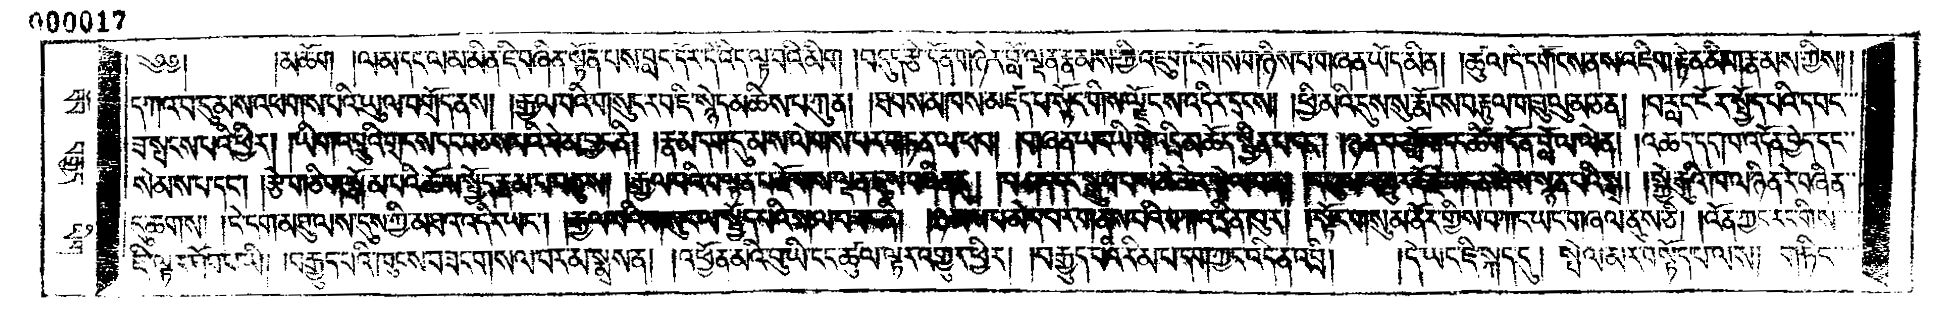༄༅། །མཆོག །ལམ་དང་ལམ་མིན་ཇི་བཞིན་སྟོན་པས་བླང་དོར་དེ་འདི་ལྟ་བའི་མིག །བདུད་རྩི་དོན་གཉེར་བློ་ལྡན་རྣམས་ཀྱི་འཇུག་ངོགས་གཉིས་པ་གཞན་ཡོད་མིན། །ཚུལ་དེ་དགོངས་ནས་འཇིག་རྟེན་མིག་རྣམས་ཀྱིས། །
དཀའ་བ་དུ་མས་འཕགས་པའི་ཡུལ་བགྲོད་ནས། །རྒྱལ་བའི་གསུང་རབ་ཇི་སྙེད་མཆིས་པ་ཀུན། །ཐབས་མཁས་མཛད་པ་སྟོང་གིས་ལྗོངས་འདིར་དྲངས། །ཕྱི་མའི་དུས་སུ་རྨོངས་བརྟུལ་གཟུ་ལུམ་ཅན། །བརླང་ངོར་སྤྱོད་པའི་དབང་
ཟ་སྤངས་པའི་ཕྱིར། །ཡིག་འབྲུའི་གྲངས་དང་བཅས་པའི་ཐེམ་བྱང་ནི། །རྣམ་དག་དུ་མས་ལེགས་པར་གཏན་ལ་ཕབ། །གཞན་ཡང་ཡི་གེ་འདྲི་མཆོད་སྤྱིན་པ་དང་། །ཉན་དང་ཀློག་དང་ཚིག་དོན་བློ་ལ་ལེན། །འཆད་དང་ཁ་འདོན་བྱེད་དང་
སེམས་པ་དང་། །རྩེ་གཅིག་སྒོམ་པའི་ཆོས་སྤྱོད་རྣམ་པ་བཅུས། །རྒྱལ་བའི་བསྟན་པ་རྫོགས་ལྡན་དུས་བཞིན་དུ། །བཤད་དང་སྒྲུབ་པས་ཆེ་ཆེར་སྦེལ་བ་ན། །དབུས་འགྱུར་རྡོ་རྗེ་གདན་ཞེས་སྙན་པའི་སྒྲ། །སྐྱེ་རྒུའི་ཁ་ལ་ཉིན་རེ་བཞིན་
དུ་ཆགས། །དེ་དག་མཐུ་ལས་དུས་ཀྱི་མཐའ་འདིར་ཡང་། །རྒྱལ་བའི་གསུང་ལ་སྤྱོད་པའི་སྐལ་བཟང་ནི། །ཉམས་པ་མེད་པར་གནས་པའི་བཀའ་དྲིན་ཁུར། །སྟོང་གསུམ་ནོར་གྱིས་བཀང་ཡང་གཞལ་ནུས་ཅི། །འོན་ཀྱང་རང་གིས་
ཇི་ལྟར་ཐོབ་པ་ཡི། །བརྒྱུད་པའི་ཁུངས་བཟང་གསལ་བར་མ་སྨྲས་ན། །འཕྱོན་མའི་བུ་ཡི་ངང་ཚུལ་ལྟར་འགྱུར་ཕྱིར། །བརྒྱུད་པའི་རིམ་པ་དག་ཀྱང་འདི་ན་འབྲི། །དེ་ཡང་ཇི་སྐད་དུ། སྤེལ་མར་བསྟོད་པ་ལས། གཏིང་